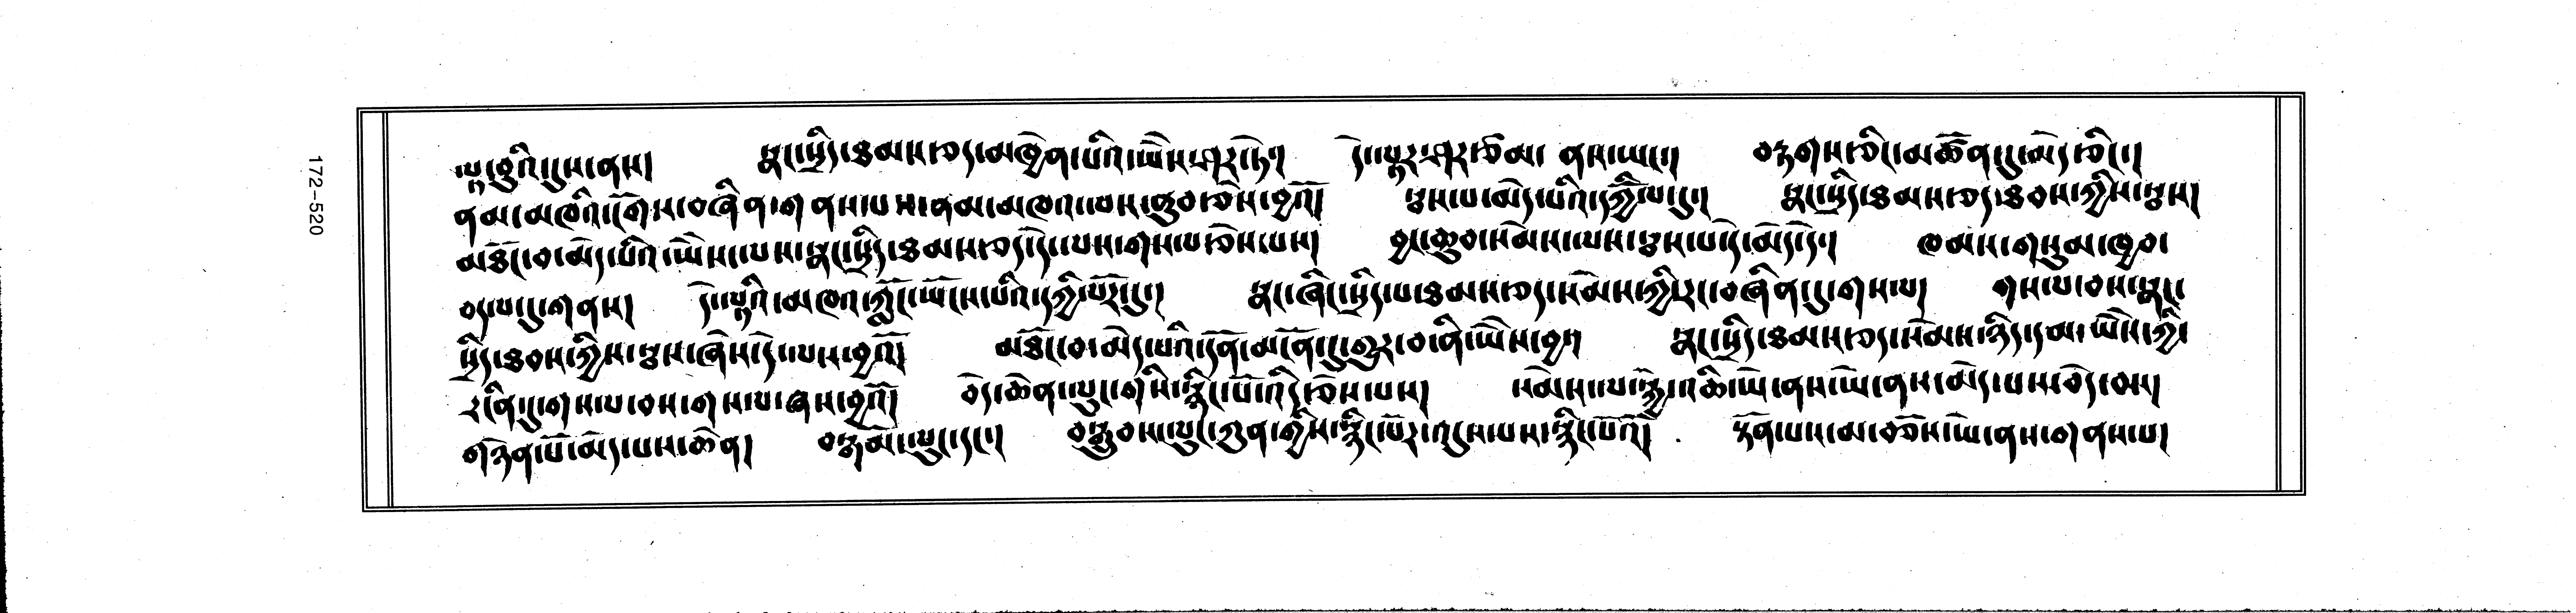ལྟ་བུའི་དུས་ནས། སྣང་སྲིད་ཐམས་ཅད་མཁྱེན་པའི་ཡེ་ཤེས་ཤར་ཏེ། དེ་ལྟར་ཤར་ཙམ་ནས་ཡང་། བརྟགས་ཅིང་མཚོན་དུ་མེད་ཅིང་། 
ནམ་མཁའི་ངོགས་བཞིན་གནས་པས་ནམ་མཁའ་ལས་ནུབ་ཅེས་བྱའོ། སྦས་པ་མེད་པའི་དཀྱིལ་འཁོར་དུ། སྣང་སྲིད་ཐམས་ཅད་ཐབས་ཀྱིས་སྦས། 
མཐོང་བ་མེད་པའི་ཡེ་ཤེས་ལས་སྣང་སྲིད་ཐམས་ཅད་དེ་ལས་གསལ་ཅེས་པས། བྱང་ཆུབ་སེམས་ལས་སྦས་པ་དེ་མེད་དེ། ཁམས་གསུམ་ཁྱབ་
བདལ་དུ་གནས། དེ་ལྟའི་མཁའ་ཀློང་ཡོངས་པའི་དཀྱིལ་འཁོར་དུ། སྣང་ཞིང་སྲིད་པ་ཐམས་ཅད་སེམས་ཀྱི་རང་བཞིན་དུ་གསལ། གསལ་བས་སྣང་
སྲིད་ཐབས་ཀྱིས་སྦས་ཞེས་དེ་ལས་བྱའོ། མཐོང་བ་མེད་པའི་དོན་མངོན་དུ་གྱུར་བ་ནི་ཡེ་ཤེས་བྱ། སྣང་སྲིད་ཐམས་ཅད་སེམས་ཉིད་དམ་ཡེ་ཤེས་ཀྱི་
རང་བཞིན་དུ་གསལ་བས་གསལ་ཞེས་བྱའོ། བདེ་ཆེན་ལུང་གིས་སྙིང་པོ་འདི་ཅེས་པས། སེམས་ལ་སྐྱེ་འཆི་ཡེ་ནས་མེད་པས། བདེ་བས་
གཉེན་པོ་མེད་པས་ཆེན། བསྒོམ་ལུང་དང་། བསྒྲུབས་ལུང་ཀུན་གྱིས་སྙིང་པོར་འདུས་པས་སྙིང་པོའོ། སྟོན་པས་མ་བཅོས་ཡེ་ནས་གནས་པ།